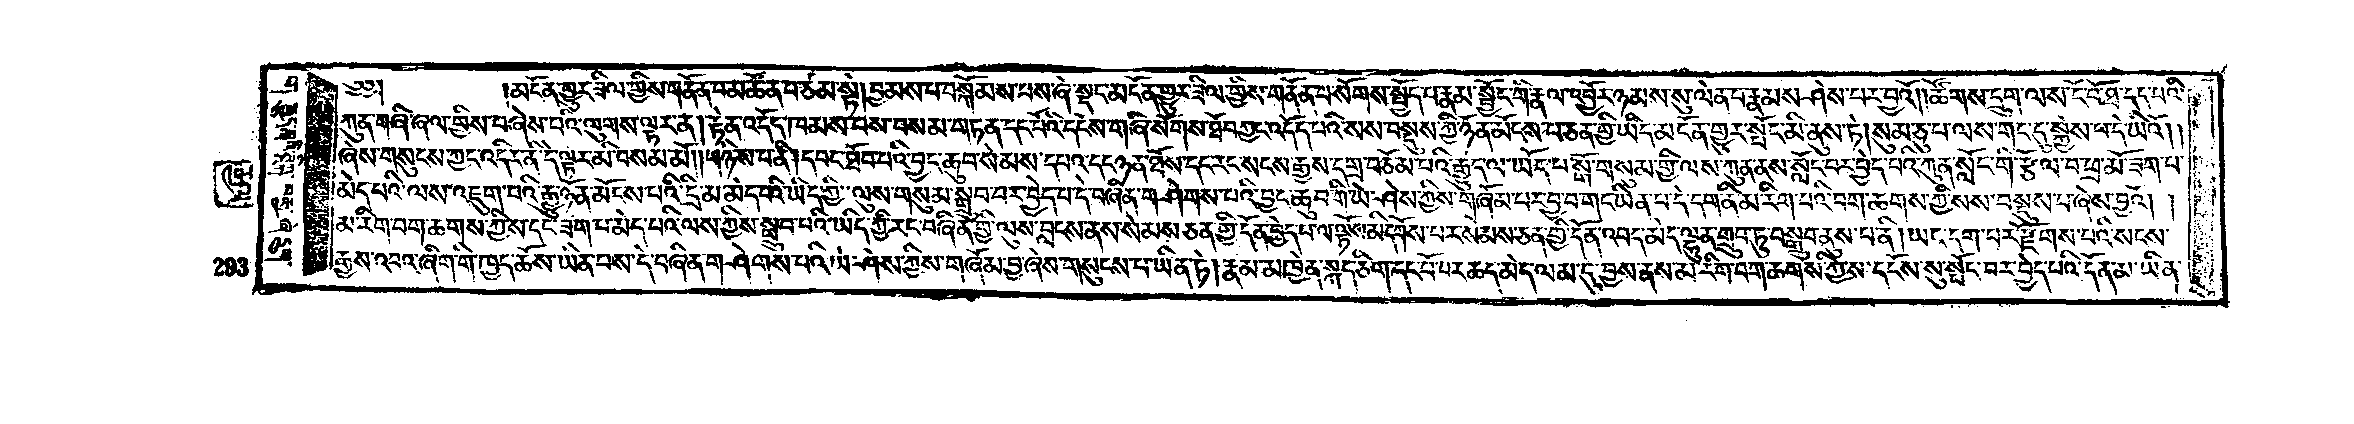༄༅། །མངོན་གྱུར་ཟིལ་གྱིས་གནོན་པ་མཚོན་པ་ཙམ་སྟེ། བྱམས་པ་བསྐོམས་པས་ཞེ་སྡང་མངོན་གྱུར་ཟིལ་གྱིས་གནོན་པ་སོགས་སྤྱོད་པ་རྣམ་སྦྱོང་གི་རྣལ་འབྱོར་ཉམས་སུ་ལེན་པ་རྣམས་ཤེས་པར་བྱའོ། །ཚོགས་དྲུག་ལས་ངོ་བོ་ཐ་དད་པའི་
ཀུན་གཞི་ཞལ་གྱིས་བཞེས་པའི་ལུགས་ལྟར་ན། རྟེན་འདོད་ཁམས་པས་བསམ་གཏན་དང་པོའི་དངོས་གཞི་སོགས་ཐོབ་ཀྱང་འདོད་པའི་སས་བསྡུས་ཀྱི་ཉོན་མོངས་པ་ཅན་གྱི་ཡིད་མངོན་གྱུར་སྤོང་མི་ནུས་ཏེ། སུམ་ཅུ་པ་ལས་གང་དུ་སྐྱེས་པ་དེ་ཡིའོ། །
ཞེས་གསུངས་ཀྱང་འདིར་ནི་དེ་ལྟར་མི་བསམ་མོ། །གཉིས་པ་ནི། དབང་ཐོབ་པའི་བྱང་ཆུབ་སེམས་དཔའ་དང་ཉན་ཐོས་དང་རང་སངས་རྒྱས་དགྲ་བཅོམ་པའི་རྒྱུད་ལ་ཡོད་པ་སྒོ་གསུམ་གྱི་ལས་ཀུན་ནས་སློང་བར་བྱེད་པའི་ཀུན་སློང་གི་རྩོལ་བ་ཕྲ་མོ་ཟག་པ་
མེད་པའི་ལས་འཇུག་པའི་རྒྱུ་ཉོན་མོངས་པའི་དྲི་མ་མེད་པའི་ཡིད་ཀྱི་ལུས་གསུམ་སྒྲུབ་པར་བྱེད་པ་དེ་བཞིན་གཤེགས་པའི་བྱང་ཆུབ་གི་ཡེ་ཤེས་ཀྱིས་གཞོམ་པར་བྱ་བ་གང་ཡིན་པ་དེ་དག་ནི་མ་རིག་པའི་བག་ཆགས་ཀྱི་སས་བསྡུས་པ་ཞེས་བྱའོ། །
མ་རིག་བག་ཆགས་ཀྱི་ས་དང་ཟག་པ་མེད་པའི་ལས་ཀྱིས་སྒྲུབ་པའི་ཡིད་ཀྱི་རང་བཞིན་གྱི་ལུས་བླངས་ནས་སེམས་ཅན་གྱི་དོན་བྱེད་པ་ལ་ལྟོས་མི་དགོས་པར་སེམས་ཅན་གྱི་དོན་འབད་མེད་ལྷུན་གྲུབ་ཏུ་བསྒྲུབ་ནུས་པ་ནི། ཡང་དག་པར་རྫོགས་པའི་སངས་
རྒྱས་འབའ་ཞིག་གི་ཁྱད་ཆོས་ཡིན་པས་དེ་བཞིན་གཤེགས་པའི་ཡེ་ཤེས་ཀྱིས་གཞོམ་བྱ་ཞེས་གསུངས་པ་ཡིན་ཏེ། རྣམ་མཁྱེན་སྐད་ཅིག་དང་པོ་བར་ཆད་མེད་ལམ་དུ་བྱས་ནས་མ་རིག་བག་ཆགས་ཀྱི་ས་དངོས་སུ་སྤོང་པར་བྱེད་པའི་དོན་མ་ཡིན་